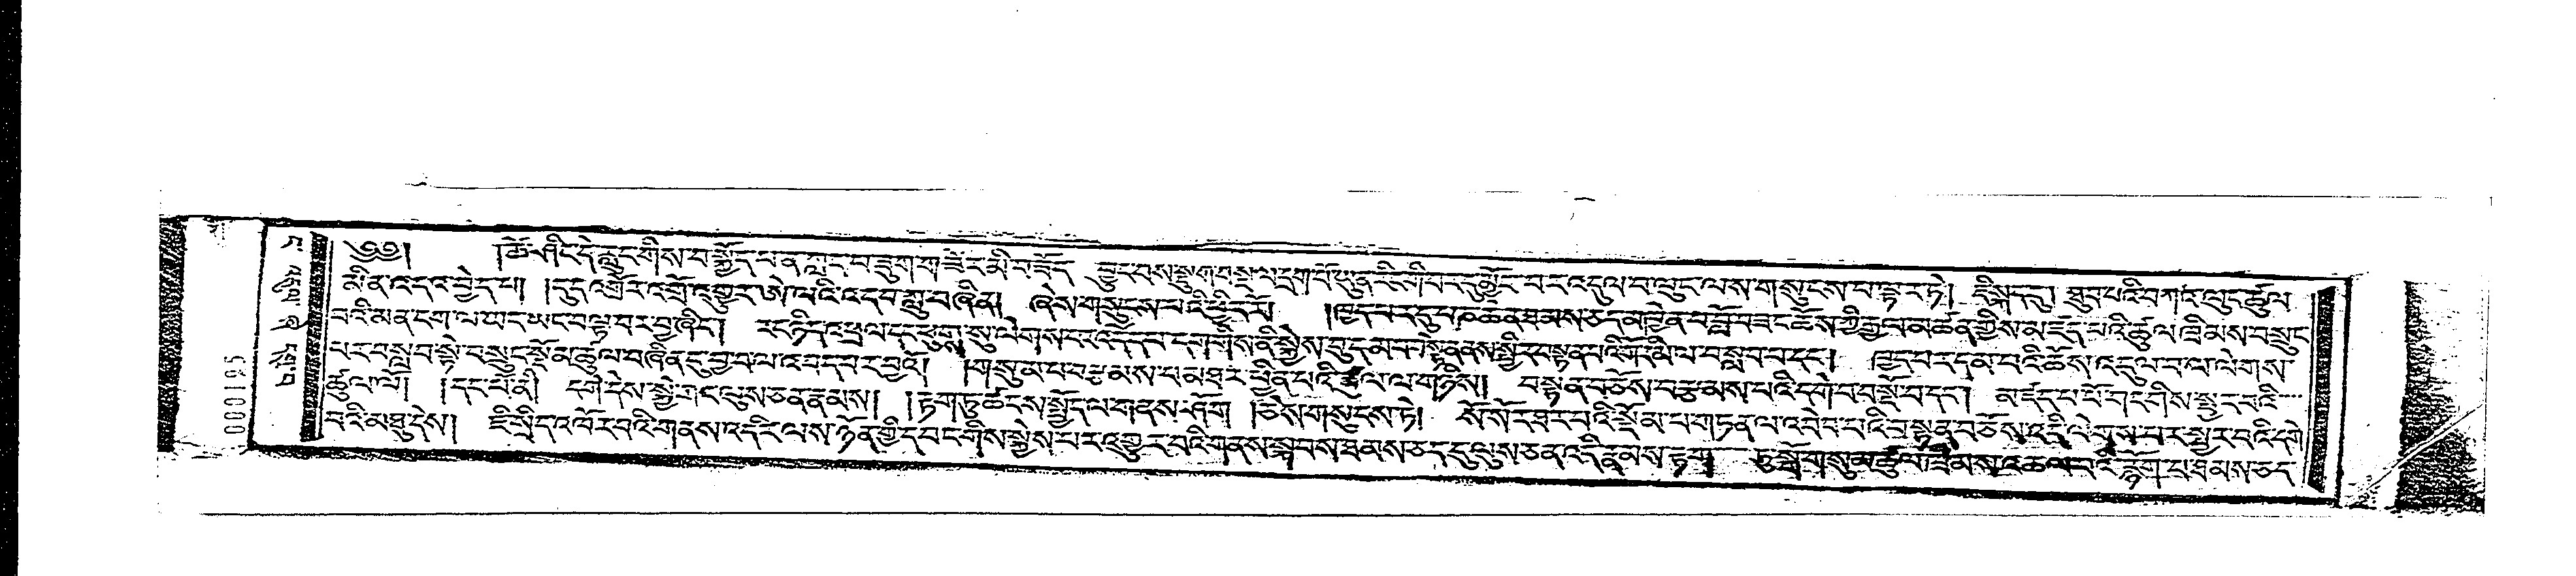༄༅། །ཚེ་ཤིང་དེ་རླུང་གིས་བསྐྱོད་པ་ན་ཀླང་བ་ཟུག་གཟོར་མི་བཟོད་བྱུང་བས་སྡུག་བསྔལ་དྲག་པོ་ཡུན་རིང་གི་བར་དུ་མྱོང་བར་འདུལ་བ་ལུང་ལས་གསུངས་པ་ལྟར་ཏེ། ཇི་སྐད་དུ། ཐུབ་པའི་བཀའ་ལུང་ཚུལ་
མིན་འདའ་བྱེད་པ། །དུད་འགྲོར་འགྲོ་འགྱུར་ཨེ་ལའི་འདབ་ཀླུ་བཞིན། ཞེས་གསུངས་པའི་ཕྱིར་རོ། །ཁྱད་པར་དུ་པཎ་ཆེན་ཐམས་ཅད་མཁྱེན་པ་བློ་བཟང་ཆོས་ཀྱི་རྒྱལ་མཚན་གྱིས་མཛད་པའི་ཚུལ་ཁྲིམས་བསྲུང་
བའི་མན་ངག་ལ་ཡང་ཡང་བལྟ་བར་བྱ་ཞིང་། རང་ཉིད་འཕྲལ་དང་ཕུགས་སུ་ལེགས་པར་འདོད་པ་དག་གིས་ནི་སྐྱེས་བུ་དམ་པ་བསྟེན་ནས་སྤྱིར་བསྟན་པའི་གོ་རིམ་ལ་བསླབ་པ་དང་། ཁྱད་པར་དམ་པའི་ཆོས་འདུལ་བ་ལ་ལེགས་
པར་བསླབ་སྟེ་བསྲུང་སྡོམ་ཚུལ་བཞིན་དུ་བྱ་བ་ལ་འབད་པར་བྱའོ། །གསུམ་པ་བརྩམས་པ་མཐར་ཕྱིན་པའི་ཚུལ་ལ་གཉིས། བསྟན་བཅོས་བརྩམས་པའི་དགེ་བ་བསྔོ་བ་དང་། མཛད་པ་པོ་གང་གིས་སྦྱར་བའི་
ཚུལ་ལོ། །དང་པོ་ནི། དགེ་དེས་སྐྱེ་གང་ལུས་ཅན་རྣམས། །རྟག་ཏུ་ཚངས་སྤྱོད་ལ་གནས་ཤོག །ཅེས་གསུངས་ཏེ། སོ་སོར་ཐར་པའི་སྡོམ་པ་གཏན་ལ་འབེབ་པའི་བསྟན་བཅོས་འདི་ལེགས་པར་སྦྱར་བའི་དགེ་
བའི་མཐུ་དེས། ཇི་སྲིད་འཁོར་བའི་གནས་འདིར་ལས་ཉོན་གྱི་དབང་གིས་སྐྱེས་པར་འགྱུར་བའི་གནས་སྐབས་ཐམས་ཅད་དུ་ལུས་ཅན་འདི་རྣམས་རྟག་ཏུ་སྒོ་གསུམ་ཚུལ་ཁྲིམས་འཆལ་བའི་རྙོག་པ་ཐམས་ཅད་